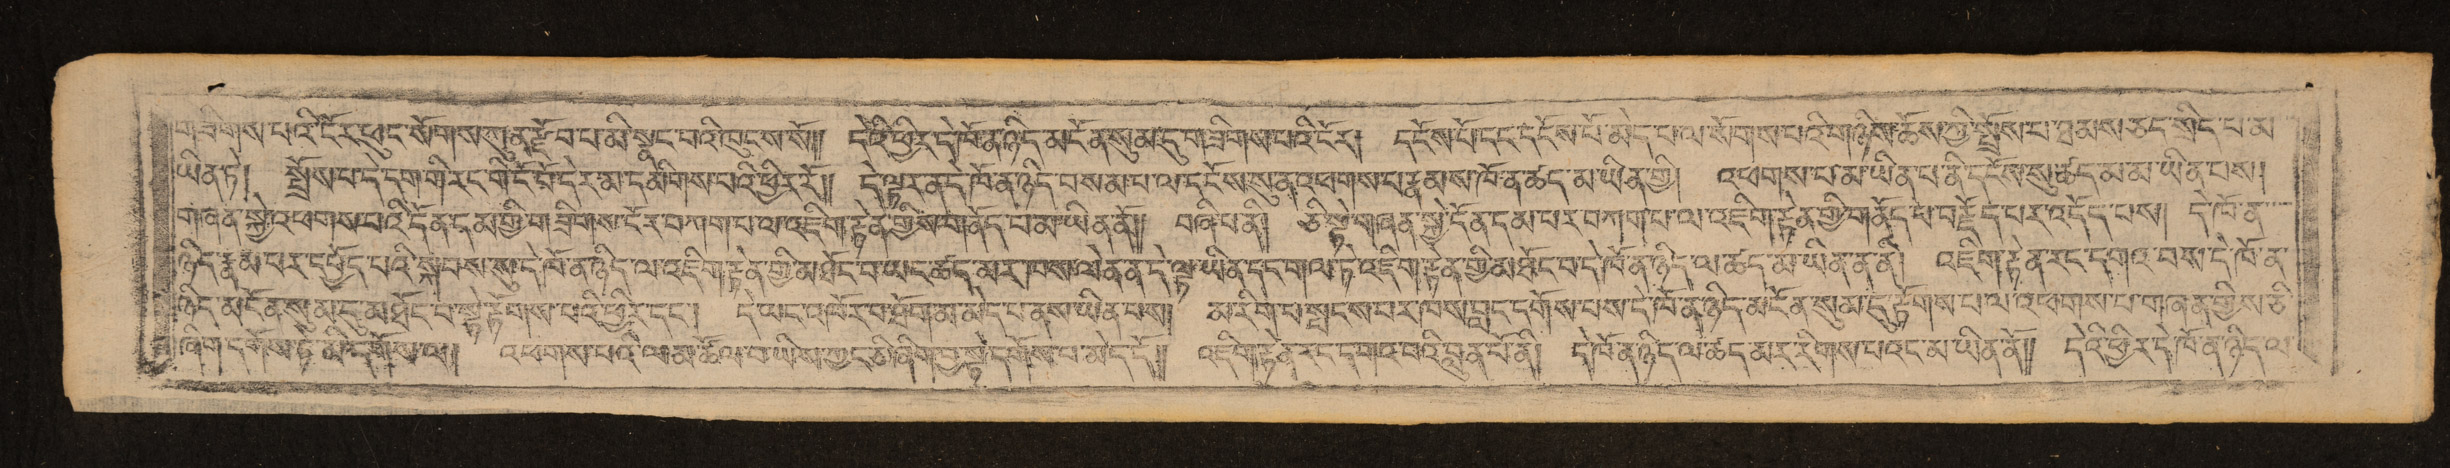གཟིགས་པའི་ངོར་ཕུང་སོགས་ཀུན་རྫོབ་པ་མི་སྣང་བའི་ཁུངས་སོ།། དེའི་ཕྱིར་དེ་ཁོ་ན་ཉིད་མངོན་སུམ་དུ་གཟིགས་པའི་ངོར། དངོས་པོ་དང་དངོས་པོ་མེད་པ་ལ་སོགས་པའི་གཉིས་ཆོས་ཀྱི་སྤྲོས་པ་ཐམས་ཅད་སྲིད་པ་མ་
ཡིན་ཏེ། སྤྲོས་པ་དེ་དག་གི་རང་གི་ངོ་བོ་དེར་མ་དམིགས་པའི་ཕྱིར་རོ།། དེ་ལྟར་ན་དེ་ཁོ་ན་ཉིད་བསམ་པ་ལ་དངོས་སུ་ན་འཕགས་པ་རྣམས་ཁོ་ན་ཚད་མ་ཡིན་གྱི། འཕགས་པ་མ་ཡིན་པ་ནི་དངོས་སུ་ཚད་མ་མ་ཡིན་པས།
གཞན་སྐྱེ་འཕགས་པའི་དོན་དམ་གྱི་གཟིགས་ངོར་བཀག་པ་ལ་འཇིག་རྟེན་གྱིས་གནོད་པ་མ་ཡིན་ནོ།། བཞི་པ་ནི། ཅི་སྟེ་གཞན་སྐྱེ་དོན་དམ་པར་བཀག་པ་ལ་འཇིག་རྟེན་གྱི་གནོད་པ་བརྗོད་པར་འདོད་པས། དེ་ཁོ་ན་
ཉིད་རྣམ་པར་དཔྱོད་པའི་སྐབས་སུ་དེ་ཁོ་ན་ཉིད་ལ་འཇིག་རྟེན་གྱི་མཐོང་བ་ཡང་ཚད་མར་ཁས་ལེན་ན་དེ་ལྟ་ཡིན་དང་གལ་ཏེ་འཇིག་རྟེན་གྱི་མཐོང་བ་དེ་ཁོ་ན་ཉིད་ལ་ཚད་མ་ཡིན་ན་ནི། འཇིག་རྟེན་རང་དགའ་བས་དེ་ཁོ་ན་
ཉིད་མངོན་སུམ་དུ་མཐོང་བ་སྟེ་རྟོགས་པའི་ཕྱིར་དང་། དེ་ཡང་འཁོར་བ་ཐོག་མ་མེད་པ་ནས་ཡིན་པས། མ་རིག་པ་སྤངས་པར་ཁས་བླང་དགོས་པས་དེ་ཁོ་ན་ཉིད་མངོན་སུམ་དུ་རྟོགས་པ་ལ་འཕགས་པ་གཞན་གྱིས་ཅི་
ཞིག་དགོས་ཏེ་མི་དགོས་ལ། འཕགས་པའི་ལམ་ཚོལ་བ་ཡིས་ཀྱང་ཅི་ཞིག་བྱ་སྟེ་དགོས་པ་མེད་དོ།། འཇིག་རྟེན་རང་དགའ་བའི་བླུན་པོ་ནི། དེ་ཁོ་ན་ཉིད་ལ་ཚད་མར་རིགས་པའང་མ་ཡིན་ནོ།། དེའི་ཕྱིར་དེ་ཁོ་ན་ཉིད་ལ་